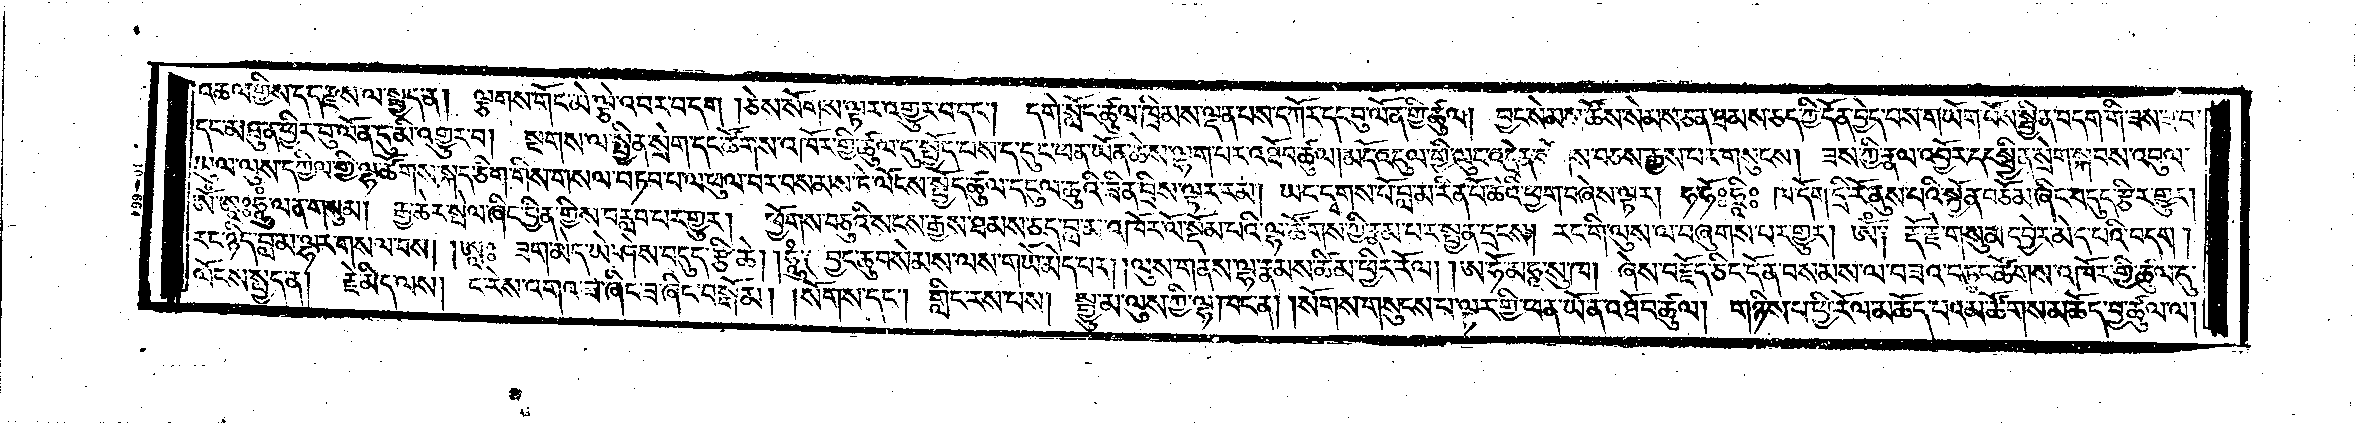འཆལ་གྱིས་དད་རྫས་ལ་སྤྱོད་ན། ལྕགས་གོང་མེ་ལྕེ་འབར་བ་དག །ཅེས་སོགས་ལྟར་འགྱུར་བ་དང་། དགེ་སློང་ཚུལ་ཁྲིམས་ལྡན་པས་དཀོར་དང་བུ་ལོན་གྱི་ཚུལ། བྱང་སེམས་ཚོས་སེམས་ཅན་ཐམས་ཅད་ཀྱི་དོན་བྱེད་པས་གཡོག་པོས་སྦྱིན་བདག་གི་ཟས་ཟ་བ་
དང་མཐུན་ཕྱིར་བུ་ལོན་དུ་མི་འགྱུར་བ། སྔགས་ལ་སྦྱིན་སྲེག་དང་ཚོགས་འཁོར་གྱི་ཚུལ་དུ་སྤྱོད་པས་ད་དུང་ཕན་ཡོན་ཆེས་པར་གསུངས། ཟས་ཀྱི་རྣལ་འབྱོར་དང་སྦྱིན་སྲེག་སྐབས་འབུལ་ཡུལ་པར་གསུངས། ཟས་ཀྱི་རྣལ་འབྱོར་དང་སྦྱིན་སྲེག་སྐབས་འབུལ་
ཡུལ་ལུས་དཀྱིལ་གྱི་ལྷ་ཚོགས་སྐད་ཅིག་གིས་གསལ་བཏབ་པ་ལ་ཕུལ་བར་བསམས་ཏེ་ལོངས་སྤྱོད་ཚུལ་དངུལ་ཆུའི་ཟིན་བྲིས་ལྟར་རམ། ཡང་དྭགས་པོ་བླ་མ་རིན་པོ་ཆེའི་ཕྱག་བཞེས་ལྟར། ཧ་ཧོཿ ཧྲཱིཿ ཁ་དོག་དྲི་རོ་ནུས་པའི་སྐྱོན་བཅོམ་ཞིང་བདུད་རྩིར་གྱུར།
ཨོཾ་ཨཱཿ ཧཱུཾ་ལན་གསུམ། རྒྱ་ཆེར་སྤེལ་ཞིང་བྱིན་གྱིས་བརླབ་པར་གྱུར། ཕྱོགས་བཅུའི་སངས་རྒྱས་ཐམས་ཅད་བླ་མ་འཁོར་ལོ་སྡོམ་པའི་ལྷ་ཚོགས་ཀྱི་རྣམ་པར་སྤྱན་དྲངས། རང་གི་ལུས་ལ་བཞུགས་པར་གྱུར། ཨོཾ༑ རྡོ་རྗེ་གསུམ་དབྱེར་མེད་པའི་བདག །
རང་ཉིད་བླ་མ་ལྷར་གསལ་བས། །ཨཱཿ ཟག་མེད་ཡེ་ཤེས་བདུད་རྩི་ཆེ། །ཧཱུཾ༑ བྱང་ཆུབ་སེམས་ལས་གཡོ་མེད་པར། །ལུས་གནས་ལྷ་རྣམས་ཚིམ་ཕྱིར་རོལ། །ཨ་ཧོ་མ་ཧཱ་སུ་ཁ། ཞེས་བརྗོད་ཅིང་དོན་བསམས་ལ་བཟའ་བཏུང་ཚོགས་འཁོར་གྱི་ཚུལ་དུ་
ལོངས་སྤྱད་ན། རྗེ་མིད་ལས། ད་རེས་འགའ་ཟ་ཞིང་ཟ་ཞིང་བསྒོམ། །སོགས་དང་། གླིང་རས་པས། སྒྱུ་མ་ལུས་ཀྱི་ལྷ་ཁང་ན། །སོགས་གསུངས་པ་ལྟར་གྱི་ཕན་ཡོན་འཐོབ་ཚུལ། གཉིས་པ་ཕྱི་རོལ་མཆོད་པའམ་ཚོགས་མཆོད་བྱ་ཚུལ་ལ།